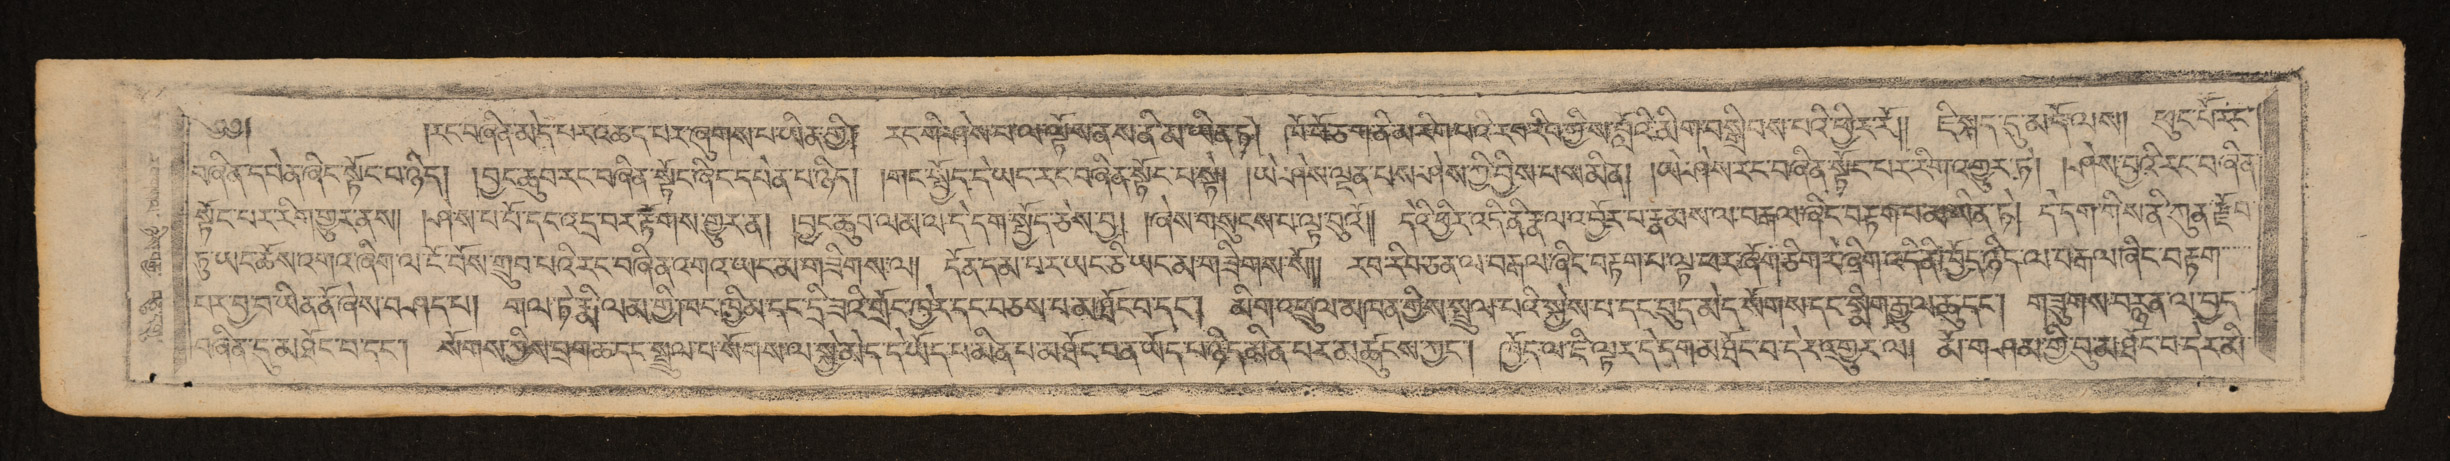༄༅། །རང་བཞིན་མེད་པར་འཆད་པར་ཞུགས་པ་ཡིན་གྱི། རང་གི་ཤེས་པ་ལ་ལྟོས་ནས་ནི་མ་ཡིན་ཏེ། ཁོ་བོ་ཅག་ནི་མ་རིག་པའི་རབ་རིབ་ཀྱིས་བློའི་མིག་བསྒྲིབས་པའི་ཕྱིར་རོ།། ཇི་སྐད་དུ་མདོ་ལས། ཕུང་པོ་རང་
བཞིན་དབེན་ཞིང་སྟོང་པ་ཉིད། །བྱང་ཆུབ་རང་བཞིན་སྟོང་ཞིང་དབེན་པ་ཉིད། །གང་སྤྱོད་དེ་ཡང་རང་བཞིན་སྟོང་པ་སྟེ། །ཡེ་ཤེས་ལྡན་པས་ཤེས་ཀྱི་བྱིས་པས་མིན། །ཡེ་ཤེས་རང་བཞིན་སྟོང་པར་རིག་འགྱུར་ཏེ། །ཤེས་བྱའི་རང་བཞིན་
སྟོང་པར་རིག་གྱུར་ནས། །ཤེས་པ་པོ་དང་འདྲ་བར་རྟོགས་གྱུར་ན། །བྱང་ཆུབ་ལམ་ལ་དེ་དག་སྤྱོད་ཅེས་བྱ། །ཞེས་གསུངས་པ་ལྟ་བུའོ།། དེའི་ཕྱིར་འདི་ནི་རྣལ་འབྱོར་པ་རྣམས་ལ་བརྒལ་ཞིང་བརྟག་པ་མ་ཡིན་ཏེ། དེ་དག་གིས་ནི་ཀུན་རྫོབ་
ཏུ་ཡང་ཆོས་འགའ་ཞིག་ལ་ངོ་བོས་གྲུབ་པའི་རང་བཞིན་འགའ་ཡང་མ་གཟིགས་ལ། དོན་དམ་པར་ཡང་ཅི་ཡང་མ་གཟིགས་སོ།། རབ་རིབ་ཅན་ལ་བརྒལ་ཞིང་བརྟག་པ་ལྟ་བར་ཞོག་ཅིག་རེ་ཞིག་འདི་ནི་ཁྱོད་ཉིད་ལ་བརྒལ་ཞིང་བརྟག་
པར་བྱ་བ་ཡིན་ནོ་ཞེས་བཤད་པ། གལ་ཏེ་རྨི་ལམ་གྱི་ཁང་ཁྱིམ་དང་དྲི་ཟའི་གྲོང་ཁྱེར་དང་བཅས་པ་མཐོང་བ་དང་། མིག་འཕྲུལ་མཁན་གྱིས་སྤྲུལ་པའི་སྐྱེས་པ་དང་བུད་མེད་སོགས་དང་སྨིག་རྒྱུ་ལ་ཆུ་དང་། གཟུགས་བརྙན་ལ་བྱད་
བཞིན་དུ་མཐོང་བ་དང་། སོགས་ཀྱིས་བྲག་ཆ་དང་སྤྲུལ་པ་སོགས་ལ་སྐྱེ་མེད་དེ་ཡོད་པ་མིན་པ་མཐོང་བ་ན་ཡོད་པ་ཉིད་མིན་པར་མཚུངས་ཀྱང་། ཁྱོད་ལ་ཇི་ལྟར་དེ་དག་མཐོང་བ་དེར་འགྱུར་ལ། མོ་གཤམ་གྱི་བུ་མཐོང་བ་དེར་མི་